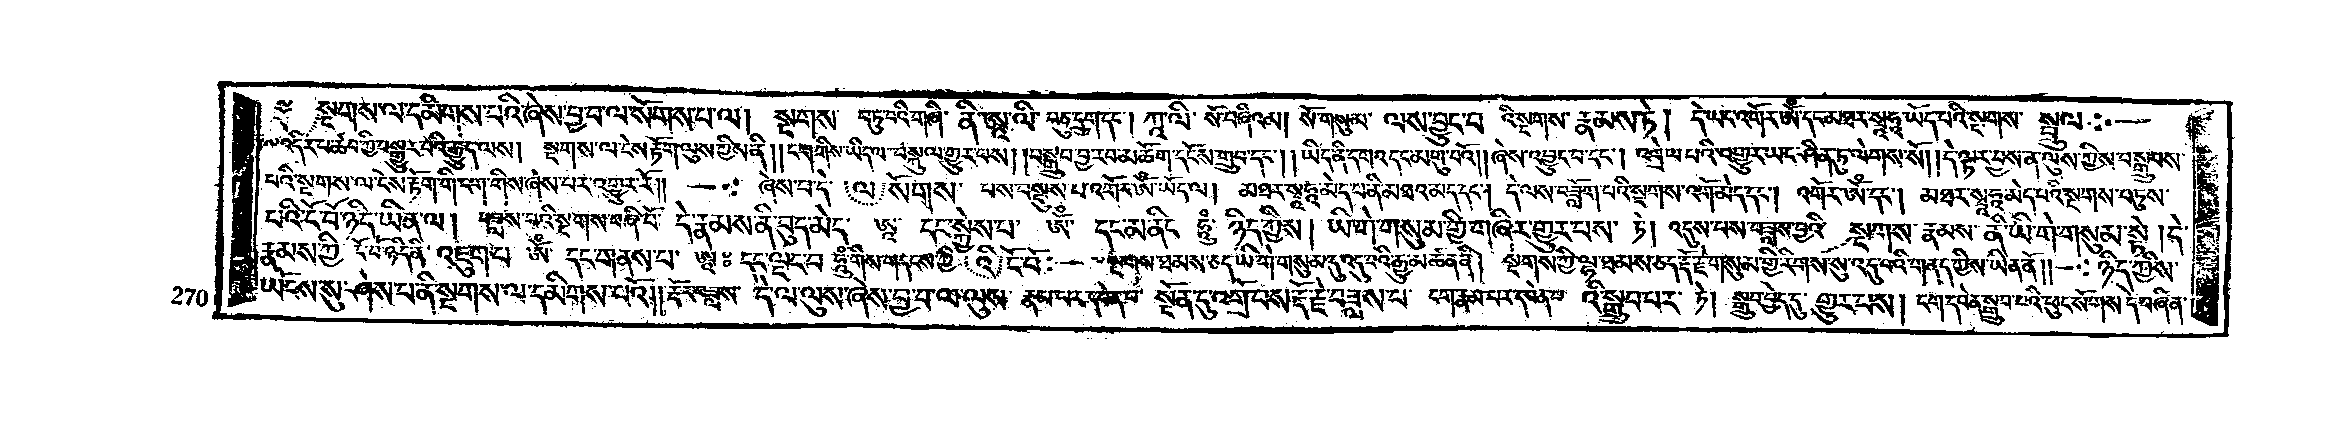༈ སྔགས་ལ་དམིགས་པའི་ཞེས་བྱ་བ་ལ་སོགས་པ་ལ། སྔགས་བཏུ་བའི་གཞི་ནི་ཨཱ་ལི་བཅུ་དྲུག་དང་། ཀཱ་ལི་སོ་བཞིའམ། སོ་གསུམ་ལས་བྱུང་བའི་སྔགས་རྣམས་ཏེ། དེ་ཡང་འགོར་ཨོཾ་དང་མཐར་སྭཱ་ཧཱ་ཡོད་པའི་སྔགས་སྤྲུལ་H.
༧འདིར་པ་ཚབ་ཀྱི་བསྒྱུར་བའི་རྒྱུད་ལས། སྔགས་ལ་ངེས་རྟོག་ལུས་ཀྱིས་ནི། །ངག་གིས་ཡིད་ལ་བསྐུལ་གྱུར་པས། །བསྒྲུབ་བྱ་རབ་མཆོག་དངོས་གྲུབ་དང་། །ཡིད་ནི་དགའ་དང་མགུ་བའོ། །ཞེས་འབྱུང་བ་དང་། འགྲེལ་པའི་འགྱུར་ཡང་ཤིན་ཏུ་ལེགས་སོ། །དེ་ལྟར་བྱས་ན་ལུས་ཀྱིས་བསྒྲུབས་
པའི་སྔགས་ལ་ངེས་རྟོག་གི་ངག་གིས་ཞེས་པར་འགྱུར་རོ།། .H ཞེས་པ་དེ་ལ་སོགས་པས་བསྡུས་པ་འགོར་ཨོཾ་ཡོད་ལ། མཐར་སྭཱཧཱ་མེད་པ་ནི་མཐའ་མེད་དང་། དེ་ལས་བཟློག་པའི་སྔགས་འགོ་མེད་དང་། འགོར་ཨོཾ་དང་། མཐར་སྭཱཧཱ་མེད་པའི་སྔགས་བཏུས
པའི་ངོ་བོ་ཉིད་ཡིན་ལ། བཟླས་པའི་སྔགས་བཞི་པོ་དེ་རྣམས་ནི་བུད་མེད་ཨཱ་དང་སྐྱེས་པ་ཨོཾ་དང་མ་ནིང་ཧཱུཾ་ཉིད་ཀྱིས། ཡི་གེ་གསུམ་གྱི་གཞིར་གྱུར་པས་ཏེ། འདུས་པས་བཟླས་བྱའི་སྔགས་རྣམས་ནི་ཡི་གེ་གསུམ་སྟེ། དེ་
རྣམས་ཀྱི་ངོ་བོ་ཉིད་ནི་འཇུག་པ་ཨོཾ་དང་གནས་པ་ཨཱཿ་དང་ལྡང་བ་ཧཱུཾ་གིས་གདངས་ཀྱི་འི་ངོ་བོ་H.་༧སྔགས་ཐམས་ཅད་ཡི་གེ་གསུམ་དུ་འདུ་བའི་རྒྱུ་མཚན་ནི། སྔགས་ཀྱི་ལྷ་ཐམས་ཅད་རྡོ་རྗེ་གསུམ་གྱི་རིགས་སུ་འདུ་བའི་གནད་ཀྱིས་ཡིན་ནོ།།  .H ཉིད་ཀྱིས་
ཡོངས་སུ་ཤེས་པ་ནི་སྔགས་ལ་དམིགས་པའོ། ། རྡོར་བཟླས་དེ་ལ་ལུས་ཞེས་བྱ་བ་ལ་ལུས་རྣམ་པར་དབེན་པ་སྔོན་དུ་འགྲོ་བས་རྡོ་རྗེ་བཟླས་པ་ངག་རྣམ་པར་དབེན་པའི་སྒྲུབ་པར་ཏེ། སྒྲུབ་བྱེད་དུ་གྱུར་པས། ངག་དབེན་སྒྲུབ་པའི་ཕུང་སོགས་དེ་བཞིན་